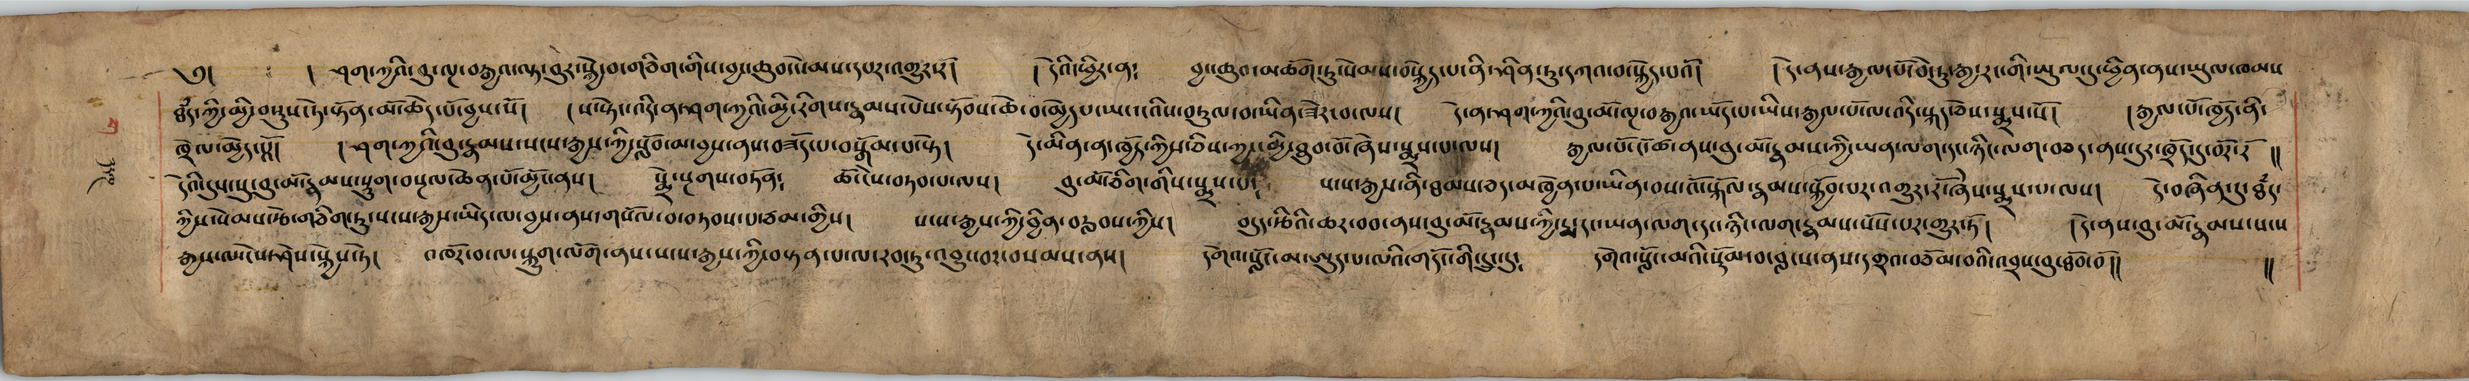། ཤག་ཀྱའི་བུ་ལྔ་བརྒྱའ་ལྟ་བུར་སྐྱེ་བ་གཅིག་གིས་བྱང་ཆུབ་སེམས་དཔར་འགྱུར་རོ། ། དེའི་ཕྱིར་ན༴ བྱང་ཆུབ་མཆོག་ཏུ་སེམས་བསྐྱེད་པ་ནི་ཤིན་ཏུ་དཀའ་བ་སྐྱེད་པའོ། ། དེ་ནས་རྒྱལ་པོ་བེ་ཏུ་རྒྱ་རང་གི་ཡུལ་དུ་ཕྱིན་ནས་ཡུལ་ཁམས
ཐཾད་ཀྱི་མྱི་བསྡུས་ཏེ་སྟོན་མོ་ཆེད་པོ་བྱས་སོ། ། ས་སྟེང་འདི་ན་ཤག་ཀྱའི་མྱི་རིགས་རྣམས་པོས་སྟོབས་ཆེ་བ་མྱེད་པ་ཡང་ངའིས་བཏུལ་བ་ཡིན་ཟེར་བ་ལས། དེ་ན་ཤག་ཀྱའི་བུ་མོ་ལྔ་བརྒྱའ་ཡོད་པ་ཡིས་རྒྱལ་པོ་ལ་འདི་སྐད་ཅེས་སྨྲས་སོ། ། རྒྱལ་པོ་ཁྱོད་ནི་
ཁྲེལ་མྱེད་པཱོ། ། ཤག་ཀྱའི་བུ་རྣམས་སངས་རྒྱས་ཀྱི་སློབ་མ་བྱས་ནས་བཟོད་པ་བསྒོམ་པ་སྟེ། དེ་མིན་ན་ཁྱོད་ཀྱིས་ཅིས་ཀྱང་མི་ཐུབ་བོ་ཞེས་སྨྲས་པ་ལས། རྒྱལ་པོ་ངོ་ཚ་ནས་བུ་མོ་རྣམས་ཀྱི་ཡན་ལག་དང་ཉིང་ལག་བཅད་ནས་དུར་ཁྲོད་དུ་བོར་རོ །།
དེའི་དུས་སུ་བུ་མོ་རྣམས་སྡུག་བསྔལ་ཆེན་པོ་མྱོང་ནས། སྨྲེ་སྔགས་བཏོན༴ ཆོ་ངེས་བཏབ་པ་ལས། བུ་མོ་གཅིག་གིས་སྨྲས་པ༴ སངས་རྒྱས་ཐམས་ཅད་མཁྱེན་པ་ཡིན་བས་འོ་སྐོལ་རྣམས་སྐྱོབ་པར་འགྱུར་རོ་ཞེས་སྨྲས་པ་ལས། དེ་བཞིན་དུ་ཐཾད་
ཀྱིས་སེམས་རྩེ་གཅིག་ཏུ་སངས་རྒྱས་ཡིད་ལ་བྱས་ནས་གསོལ་བ་བཏབས་པ་ཙམ་གྱིས། སངས་རྒྱས་ཀྱི་བྱིན་བརླབས་ཀྱིས། བདུད་རྩིའི་ཆར་བབ་ནས་བུ་མོ་རྣམས་ཀྱི་རྨ་དང་ཡན་ལག་དང་ཉིང་ལག་རྣམས་སོས་པར་གྱུར་ཏོ། །དེ་ནས་བུ་མོ་རྣམས་སངས
རྒྱས་ལ་ངེས་ཤེས་སྐྱེས་ཏེ། འཁོར་བ་ལ་སྐྱུག་ལོག་ནས་སངས་རྒྱས་ཀྱི་བསྟན་པ་ལ་རབ་ཏུ་འབྱུང་བར་བསམས་ནས། དགེའ་སློང་མ་ཨུད་པ་ལའི་གདོང་གི་དྲུང་ངུ༴ དགེའ་སློང་མའི་སྡོམ་བ་བླངས་ནས་དགྲའ་བཅོམ་བའི་འབྲས་བུ་ཐོབ་བོ།།